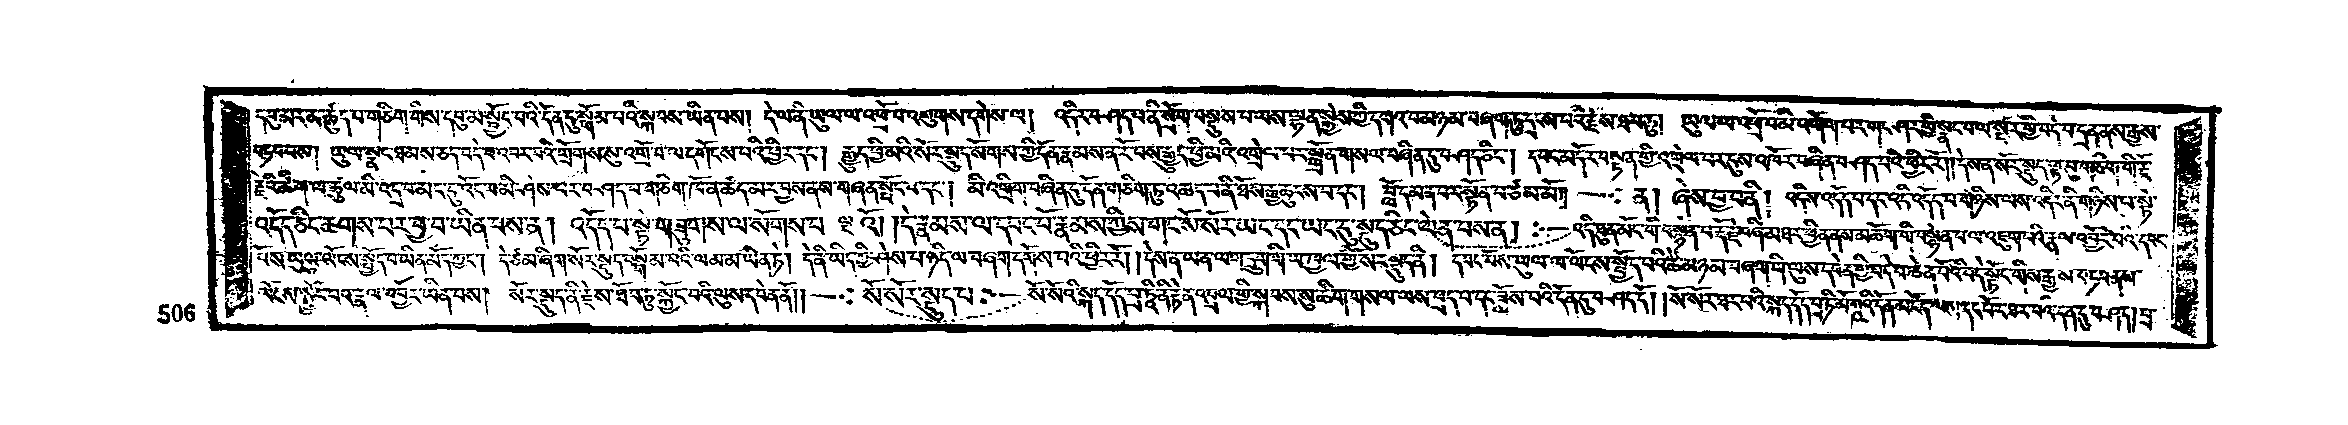དབུ་མར་མ་ཚུད་པ་གཅིག་གིས་དབུ་མ་སྦྱོང་བའི་དོན་དུ་སྒོམ་པའི་སྐབས་ཡིན་པས། དེ་ལ་ནི་ཡུལ་ལ་འཕྲོ་བ་འགུགས་དགོས་ལ། འདིར་བཤད་པ་ནི་སྲོག་བསྡུས་པ་ལས་ལྷན་སྐྱེས་ཀྱི་དགའ་བ་མཉམ་བཞག་ཏུ་དྲངས་པའི་རྗེས་ཐབ་ཏུ། ཡུལ་ལ་འཕྲོ་བ་མི་འགོག་པར་གང་ཤར་གྱི་སྣང་བ་ལ་སྔར་གྱི་བདེ་བ་དྲན་ནས་རྒྱས་
བཏབ་པས། ཡུལ་སྣང་ཐམས་ཅད་བདེ་བ་འབར་བའི་གྲོགས་སུ་འགྲོ་བ་ལ་དགོངས་པའི་ཕྱིར་དང་། རྒྱུད་ཕྱི་མའི་སོར་སྡུད་སོགས་ཀྱི་དོན་རྣམས་ན་རོ་པས་རྒྱུད་ཕྱི་མའི་འགྲེལ་པར་སྒྲོན་གསལ་བཞིན་དུ་བཤད་ཅིང་། དབང་མདོར་བསྟན་གྱི་འགྲེལ་པར་དུས་འཁོར་བཞིན་བཤད་པའི་ཕྱིར་རོ། །དེས་ན་སོར་སྡུད་ལྟ་བུ་གཅིག་གི་རྡོ་
རྗེའི་ཚིག་ལ་ཚུལ་མི་འདྲ་བ་མང་དུ་འོང་བ་མི་ཤེས་པར་བཤད་པ་གཅིག་ཁོ་ན་ཚད་མར་བྱས་ནས་གཞན་སྤོང་བ་དང་། མི་འགྲིག་བཞིན་དུ་དོན་གཅིག་ཏུ་འཆད་པ་ནི་ཐོས་རྒྱ་ཚུངས་པ་དང་། བློ་དམན་པར་སྟོན་པ་ཙམ་མོ།། .Hན། ཞེས་བྱ་བ་ནི། འདིས་འདོད་པ་དང་འདི་འདོད་པ་གཉིས་ལས་འདིར་ནི་གཉིས་པ་སྟེ
འདོད་ཅིང་ཆགས་པར་བྱ་བ་ཡིན་པས་ན། འདོད་པ་སྟེ་གཟུགས་ལ་སོགས་པ་ལྔའོ། །དེ་རྣམས་ལ་དབང་པོ་རྣམས་ཀྱིས་གང་སོ་སོར་ཡང་དང་ཡང་དུ་སྡུད་ཅིང་ལེན་པས་ན།H.་འདི་ཐུན་མོང་གི་བསྙེན་པ་རྡོ་རྗེ་བཞི་མཐར་ཕྱིན་ནས་མཆོག་གི་བསྙེན་པ་ལ་འཇུག་པའི་རྣལ་འབྱོར་པའི་དབང་
པོས་ཡུལ་ལོངས་སྤྱོད་པ་ཡིན་མོད་ཀྱང་། དེ་ཙམ་ཞིག་སོར་སྡུད་བསྒོམ་པའི་ལམ་མ་ཡིན་ཏེ། དེ་ནི་ཡིད་ཀྱི་ཤེས་པ་ཉིད་ལ་བཞག་དགོས་པའི་ཕྱིར་རོ། །དེས་ན་ཡན་ལག་དྲུག་གི་ཡ་ཁྱལ་གྱི་སོར་སྡུད་ནི། དབང་པོས་ཡུལ་ལ་ལོངས་སྤྱོད་པའི་ཚེ་མཉམ་བཞག་གི་ལུས་དབེན་གྱི་བདེ་བ་ཆེན་པོའི་བདེ་སྟོང་གིས་རྒྱས་བཏབ་ནས་
ལོངས་སྤྱོད་པའི་རྣལ་འབྱོར་ཡིན་པས། སོར་སྡུད་ནི་རྗེས་ཐོབ་ཏུ་སྐྱོང་བའི་ལུས་དབེན་ནོ།། .Hསོ་སོར་སྡུད་པཿ་སོ་སོའི་སྐད་དོད་པྲ་ཏཱི་ནི་རྟེན་འབྲལ་གྱི་སྐབས་སུ་ཚིག་གསལ་ལས་ཕྲད་པ་དང་ཟློས་པའི་དོན་དུ་བཤད་དོ། །སོ་སོར་ཐར་པའི་སྐད་དོད་པྲ་ཏི་མོཀྵའི་དོན་མཛོད་ལས་དང་པོར་ཐར་པའི་དོན་དུ་བཤད། པྲ་